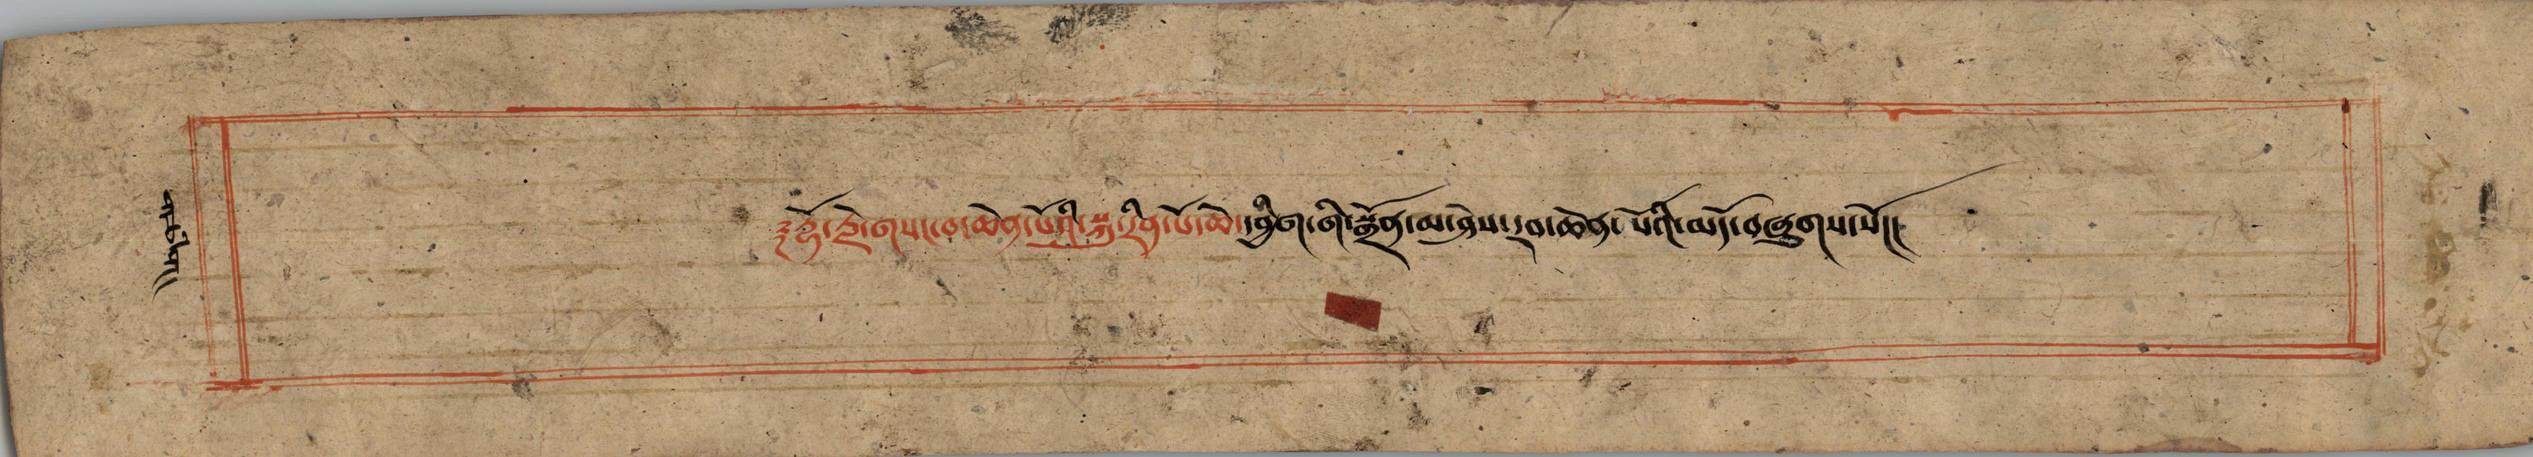༈རྡོ་རྗེ་གསང་བ་ཆེན་པོའི་སྐུ་རིན་པོ་ཆེ་དབྱིག་གི་སྒྲོན་མ་ཤེས་རབ་ཆེན་པོའི་མདོ་བཞུགས་སོ།།།